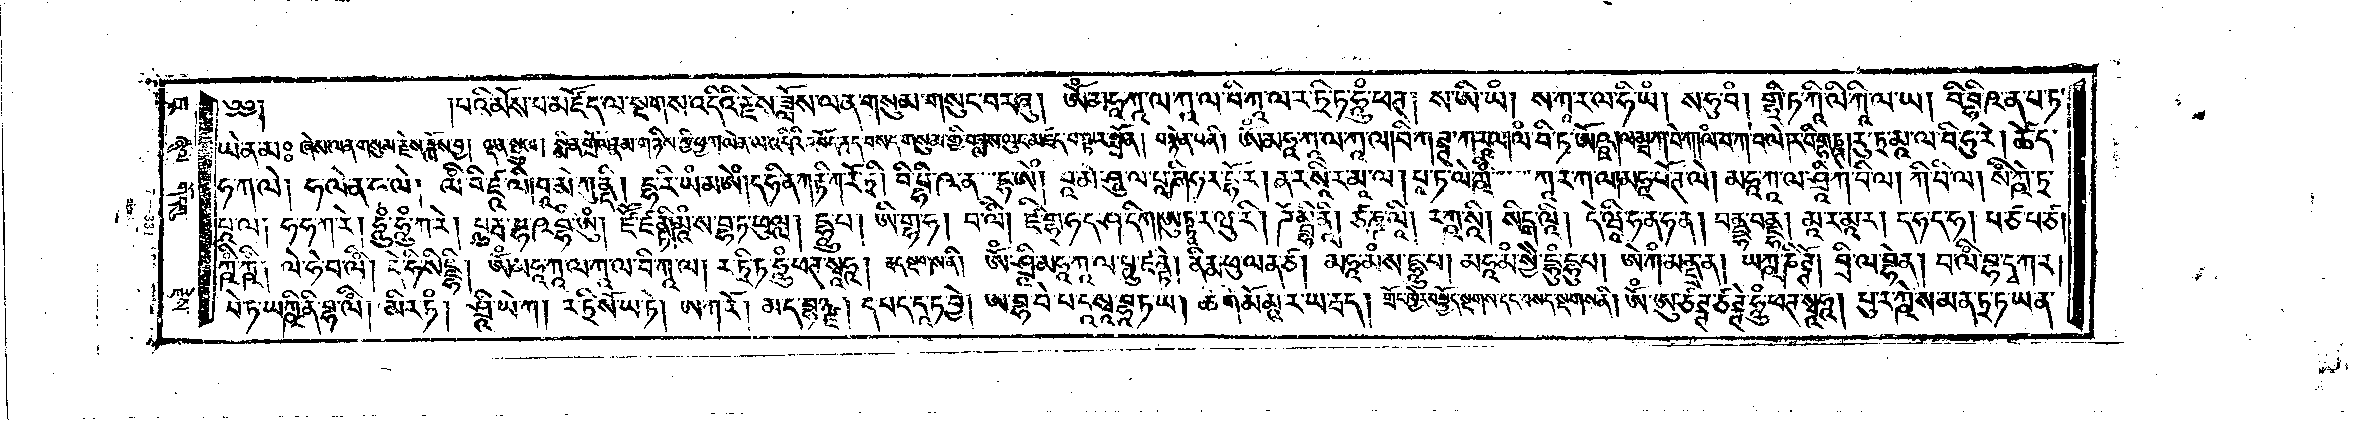༄༅། །པའི་མོས་པ་མཛོད་ལ་སྔགས་འདིའི་རྗེས་ཟློས་ལན་གསུམ་གསུང་བར་ཞུ། ཨོཾ་མཧཱ་ཀཱ་ལ་ཀཱ་ལ་བི་ཀཱ་ལ་ར་ཏྲི་ཏ་ཧཱུཾ་ཕཊ། ས་ཨི་ཡཾ། ས་ཀཱ་ར་ལ་ཧི་ཡཾ། ས་ཧུ་བཾ། གྷྲི་ཏ་ཀཱི་ལི་ཀཱི་ལ་ཡ། བི་བི་ཥ་ན་པ་ཏ་
ཡེ་ན་མཿ ཞེས་ལན་གསུམ་རྗེས་ཟློས་བྱ། ལྡན་སྤྲུལ། སྨིན་གྲོལ་རྣམ་གཉིས་ཀྱི་ཕྱག་ལེན་ལ་འདིའི་འབོད་རྦད་བསང་གསུམ་གྱི་བཟླས་ལུང་མཛད་པ་ལྟར་སྤྲོན། བསྙེན་པ་ནི།  ཨོཾ་མཧཱ་ཀཱ་ལ་ཀཱ་ལ། བི་ཀཊྚ་ཀརཱ་ལ། ལཾ་བི་ཏ་ཨོཥཊཿཨ། ལམྦ་ཀ་བེ་ཀ། ལཾ་བ་ཀ་བ་ལེ། ར་བིགྷཎྚ། རུ་ཏྲ་མཱ་ལ་བི་ཧུ་རེ། ཚེ་ད་
ཧ་ཀ་ལེ། ཧ་ལེན་ཧ་ལེ། པིཾ་བི་ཛཱ་ལི། བཱ་མེ་ཀུནྡི། དྷ་རི་ཡཾ་མ་ཨེཾ། ད་ཧི་ན་ཀརྟི་ཀ་རོ་ཏྲི། བི་བྷི་ཥ་ན་དྷ་ཨེཾ། བཱ་མེ་ཤཱུ་ལ་པཱ་ཎི། ཧ་ར་དྷོ་ར། ན་ར་སཱི་ར་མཱ་ལ། པཱ་ཏ་ལེཀྵིཾ་ཀཱ་ར་ཀ་ལ། མཧཱ་པོཊ་ལེ། མཧཱ་ཀཱ་ལ་ཤྲཱི་ཀ་བི་ལ། ཀི་བི་ལ། སིཀྵེ་ཏྲ་
པཱ་ལ༑ ཧ་ཧ་ཀ་རེ། ཧཱུཾ་ཧཱུཾ་ཀ་རེ། པཱུརྦ་བྷ་ཥ་བྷི་ཨུཾ། ཛཽ་ཛམྟི། མཱཾ་ས་བྷ་ཏ་ཕུལླ། དྷཱུ་པ། ཨི་གྷ་ཧ། བ་ལིཾ། ཛིགྷྲ་ཧ་ད་ཤ་དི་ཀ། ཨུཏྟཱ་ར་ཝུ་རི། ཌོམྦྷི་ནཱི། ཙཎྜ་ལཱི། རཀྵ་སཱི། སིངྒ་ལཱི། དེ་ཝཱི་ཧ་ན་ཧ་ན། བནྡྷ་བནྡྷ། མཱ་ར་མཱ་ར། ད་ཧ་ད་ཧ། པ་ཙ་པ་ཙ།
ཀྵིཾ་ཀྵིཾ། ལེ་ཧེ་བ་ལིཾ། དེ་ཧི་སིདྡྷི། ཨོཾ་མཧཱ་ཀཱ་ལ་ཀཱ་ལ་བི་ཀཱ་ལ། ར་ཏྲི་ཏ་ཧཱུཾ་ཕཊ་སྭཱ་ཧཱ། རྦད་སྔགས་ནི།  ཨོཾ་ཤྲཱི་མཧཱ་ཀཱ་ལ་པཱུ་ཛནྟེ། ནིརྨ་ཕུ་ལན་ཙ། མཧཱ་མཾ་ས་དྷཱུ་པ། མཧཱ་མཾ་སྱཻ་དྷུཾ་དྷུ་པ། ཨེ་ཀཾ་མནྡྲ་ན། ཡཀྵ་ཎི་ཊྚོ། བྲི་ལ་བྷེན། བ་ལིཾ་བྷ་དྭ་ཀ་ར།
ཡེ་ཏ་ཡཀྵི་ནི་བྷ་ལིཾ། མིར་ཏཾ། ཤྲཱི་ཡེ་ཀ། ར་ཏྲི་སོ་ཡ་ཏེ། ཨ་ཀ་རོ། མ་ད་བྷཉྫ། ད་པད་དཱ་ཏ་བྱེ། ཨ་བྷ་བེ་པ་དཱ་སྭཱ་བྷཱ་ཏ་ཡ། ཆེ་གེ་མོ་མཱ་ར་ཡ་རྦད། གྲོང་ཁྱེར་བསྐྱོད་སྔགས་དང་བསང་སྔགས་ནི།  ཨོཾ་ཨུ་ཙཊྚ་ཙཊྚེ་ཧཱུཾ་ཕཊ་སྭཱཧཱ། པུ་རཀྵེ་ས་མན་ཏྲ་ཏ་ཡ་ན་